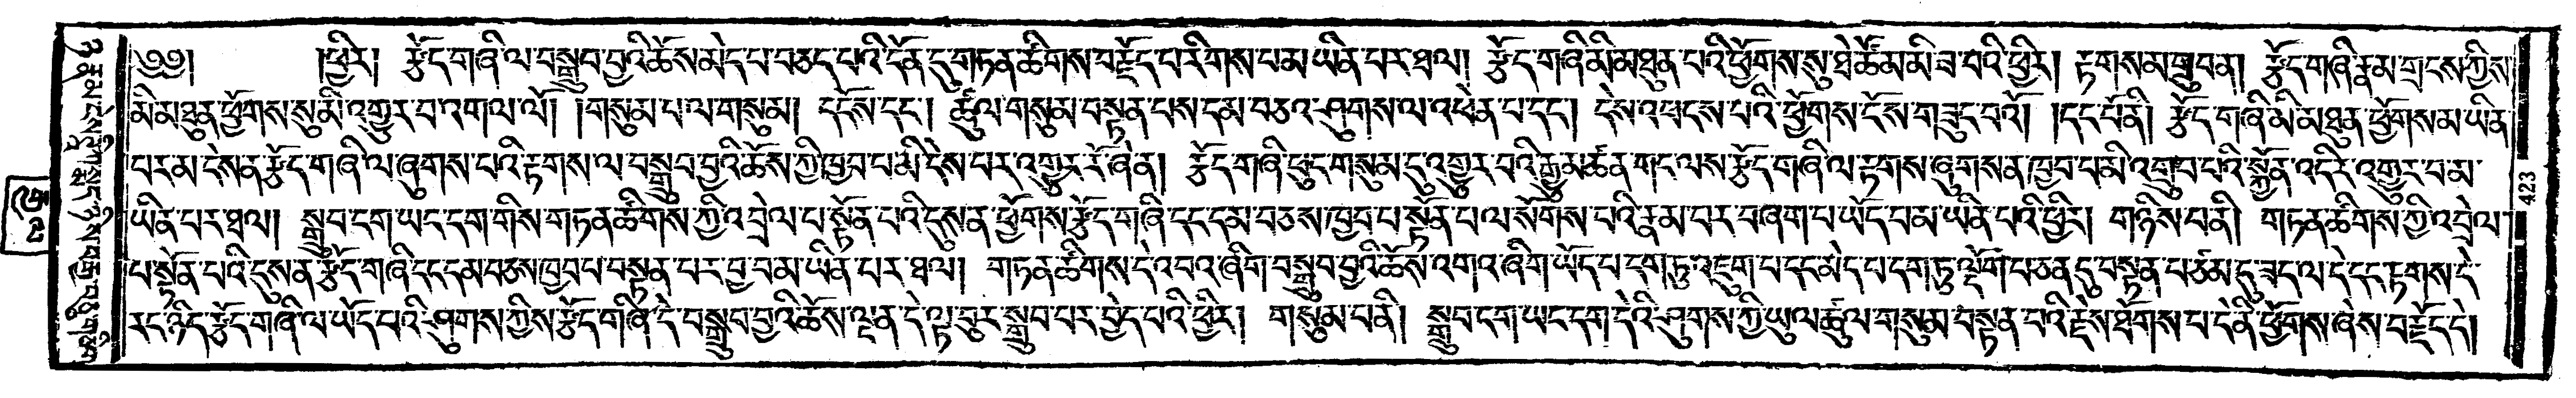༄༅། །ཕྱིར། རྩོད་གཞི་ལ་བསྒྲུབ་བྱའི་ཆོས་མེད་པ་བཅད་པའི་དོན་དུ་གཏན་ཚིགས་བརྗོད་པ་རིགས་པ་མ་ཡིན་པར་ཐལ། རྩོད་གཞི་མི་མཐུན་པའི་ཕྱོགས་སུ་ཐེ་ཚོམ་མི་ཟ་བའི་ཕྱིར། རྟགས་མ་གྲུབ་ན། རྩོད་གཞི་རྣམ་གྲངས་ཀྱིས་
མི་མཐུན་ཕྱོགས་སུ་མི་འགྱུར་བ་འགལ་ལོ། །གསུམ་པ་ལ་གསུམ། དངོས་དང་། ཚུལ་གསུམ་བསྟན་པས་དམ་བཅའ་ཤུགས་ལ་འཕེན་པ་དང་། དེས་འཕངས་པའི་ཕྱོགས་ངོས་གཟུང་བའོ། །དང་པོ་ནི། རྩོད་གཞི་མི་མཐུན་ཕྱོགས་མ་ཡིན་
པར་མ་ངེས་ན་རྩོད་གཞི་ལ་ཞུགས་པའི་རྟགས་ལ་བསྒྲུབ་བྱའི་ཆོས་ཀྱི་ཁྱབ་པ་མི་ངེས་པར་འགྱུར་རོ་ཞེ་ན། རྩོད་གཞི་ཕུང་གསུམ་དུ་འགྱུར་བའི་རྒྱུ་མཚན་གང་ལས་རྩོད་གཞི་ལ་རྟགས་ཞུགས་ན་ཁྱབ་པ་མི་འགྲུབ་པའི་སྐྱོན་འདིར་འགྱུར་བ་མ་
ཡིན་པར་ཐལ། སྒྲུབ་ངག་ཡང་དག་གིས་གཏན་ཚིགས་ཀྱི་འབྲེལ་པ་སྟོན་པའི་དུས་ན་ཕྱོགས་རྩོད་གཞི་དང་དམ་བཅས་ཁྱབ་པ་སྟོན་པ་ལ་སོགས་པའི་རྣམ་བར་བཞག་པ་ཡོད་བ་མ་ཡིན་པའི་ཕྱིར། གཉིས་པ་ནི། གཏན་ཚིགས་ཀྱི་འབྲེལ་
པ་སྟོན་པའི་དུས་ན་རྩོད་གཞི་དང་དམ་བཅས་ཁྱབ་པ་བསྟན་པར་བྱ་བ་མ་ཡིན་པར་ཐལ། གཏན་ཚིགས་དེ་འབའ་ཞིག་བསྒྲུབ་བྱའི་ཆོས་འགའ་ཞིག་ཡོད་པ་དག་ཏུ་འཇུག་པ་དང་མེད་པ་དག་ཏུ་ལྡོག་པ་ཅན་དུ་བསྟན་པ་ཙམ་དུ་ཟད་ལ་དེ་དང་རྟགས་དེ་
རང་ཉིད་རྩོད་གཞི་ལ་ཡོད་པའི་ཤུགས་ཀྱིས་རྩོད་གཞི་དེ་བསྒྲུབ་བྱའི་ཆོས་ལྡན་དེ་ལྟ་བུར་སྒྲུབ་པར་བྱེད་པའི་ཕྱིར། གསུམ་པ་ནི། སྒྲུབ་དག་ཡང་དག་དེའི་ཤུགས་ཀྱི་ཡུལ་ཚུལ་གསུམ་བསྟན་པའི་རྗེས་ཐོགས་པ་དེ་ནི་ཕྱོགས་ཞེས་བརྗོད་དེ།